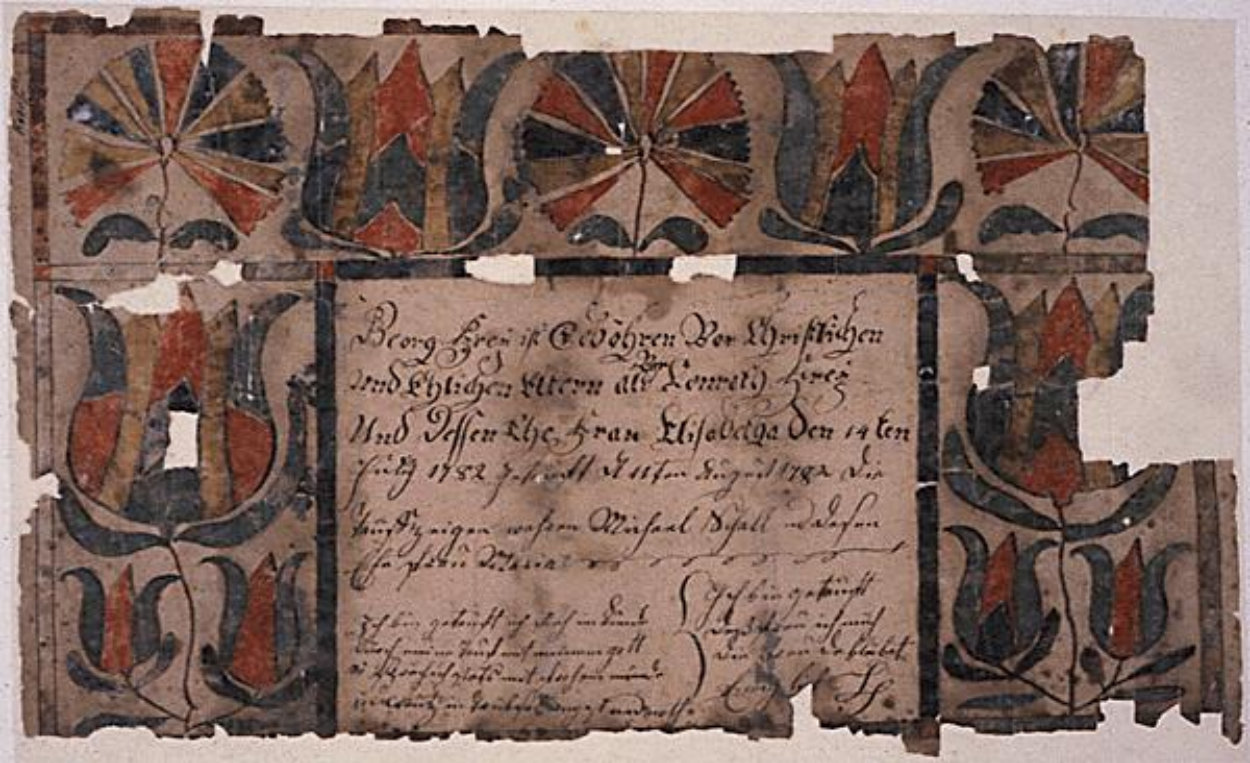Georg Frei ist Gebohren bei Ehrilichen und Ehlichen Eltern als Conrath Frei Und dessen Ehe Frau Elisabetha den 14ten July 1782 getauft am 11ten August 1782 
Die Taufzeugen waren Michael (illegible) und desen Ehe frau Maria
(the rest illegible)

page: 1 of 1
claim: widow's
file: W3674, for Conrad Fry.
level: item